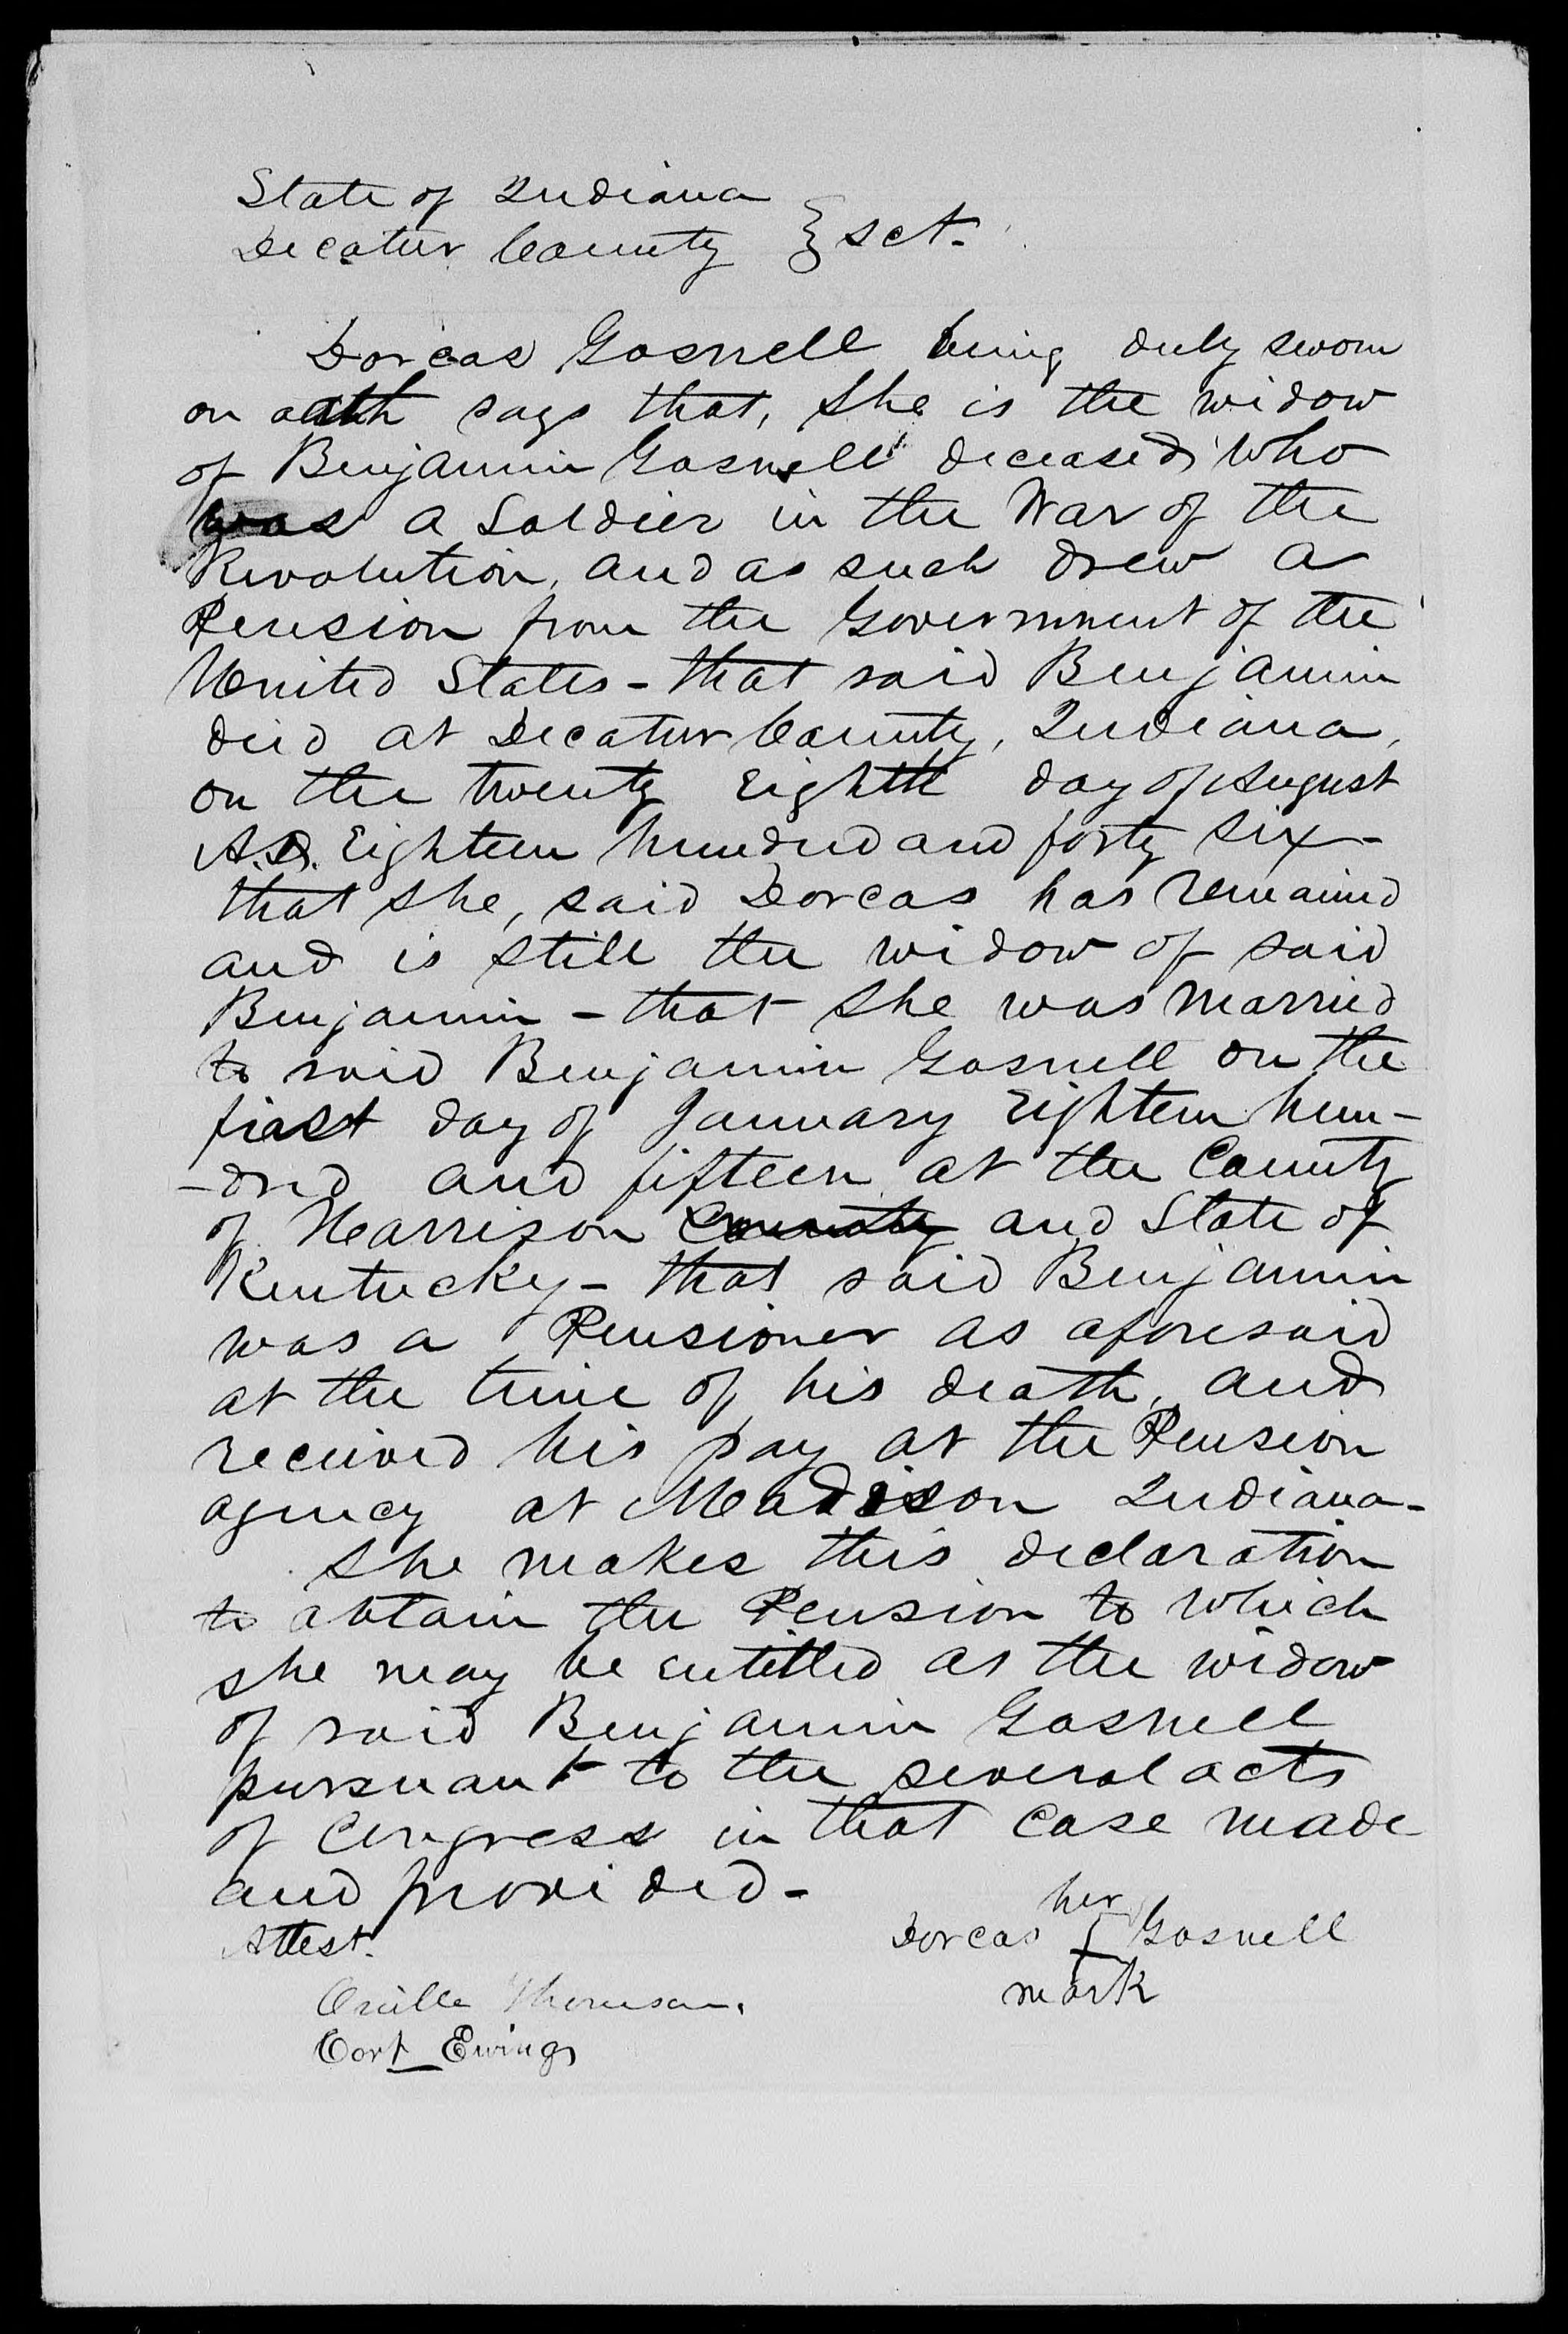State of Indiana
Decatur County 
[above has a large { on the right side followed by Sct.]

Dorcas Gosnell being duly sworn on oath says that, She is the widow of Benjamin Gosnell deceased who was a Soldier in the War of the Revolution, and as such drew a pension from the Government of the United States - that said Benjamin died at Decatur County, Indiana on the twenty eighth day of August A.D. Eighteen hundred and forty six - that she, said Dorcas  has remained and still is the widow of said Benjamin - that she was married to said Benjamin - that she was married to said Benjamin Gosnell on the first day of January Eighteen hundred and fifteen at the County of Harrison County [crossed out] and State of Kentucky - that said Benjamin was a Pensioner aforesaid at the time of his death, and received a Pension as aforesaid at the time of his death, and received his pay at the Pension agency at Madison Indiana.

She makes this declaration to obtain the Pension to which she may be entitled as the widow of said Benjamin Gosnell pursuant to the several acts of Congress in that case made and provided -
Attest       Dorcas Gosnell X her mark [the X appears between her first & last names with her & mark above & below it]
Orville Thomson
Cort Ewing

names: Benjamin, Benjamin Gosnell, Dorcas Gosnell, Benjamin Gosnell, Benjamin, Dorcas Gosnell, Benjamin Gosnell, Oville Thomson, Dorcas, Benjamin, Cort Ewing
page: 9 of 39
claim: widow's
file: W. 11060, Benjamin Gosnell, Va.